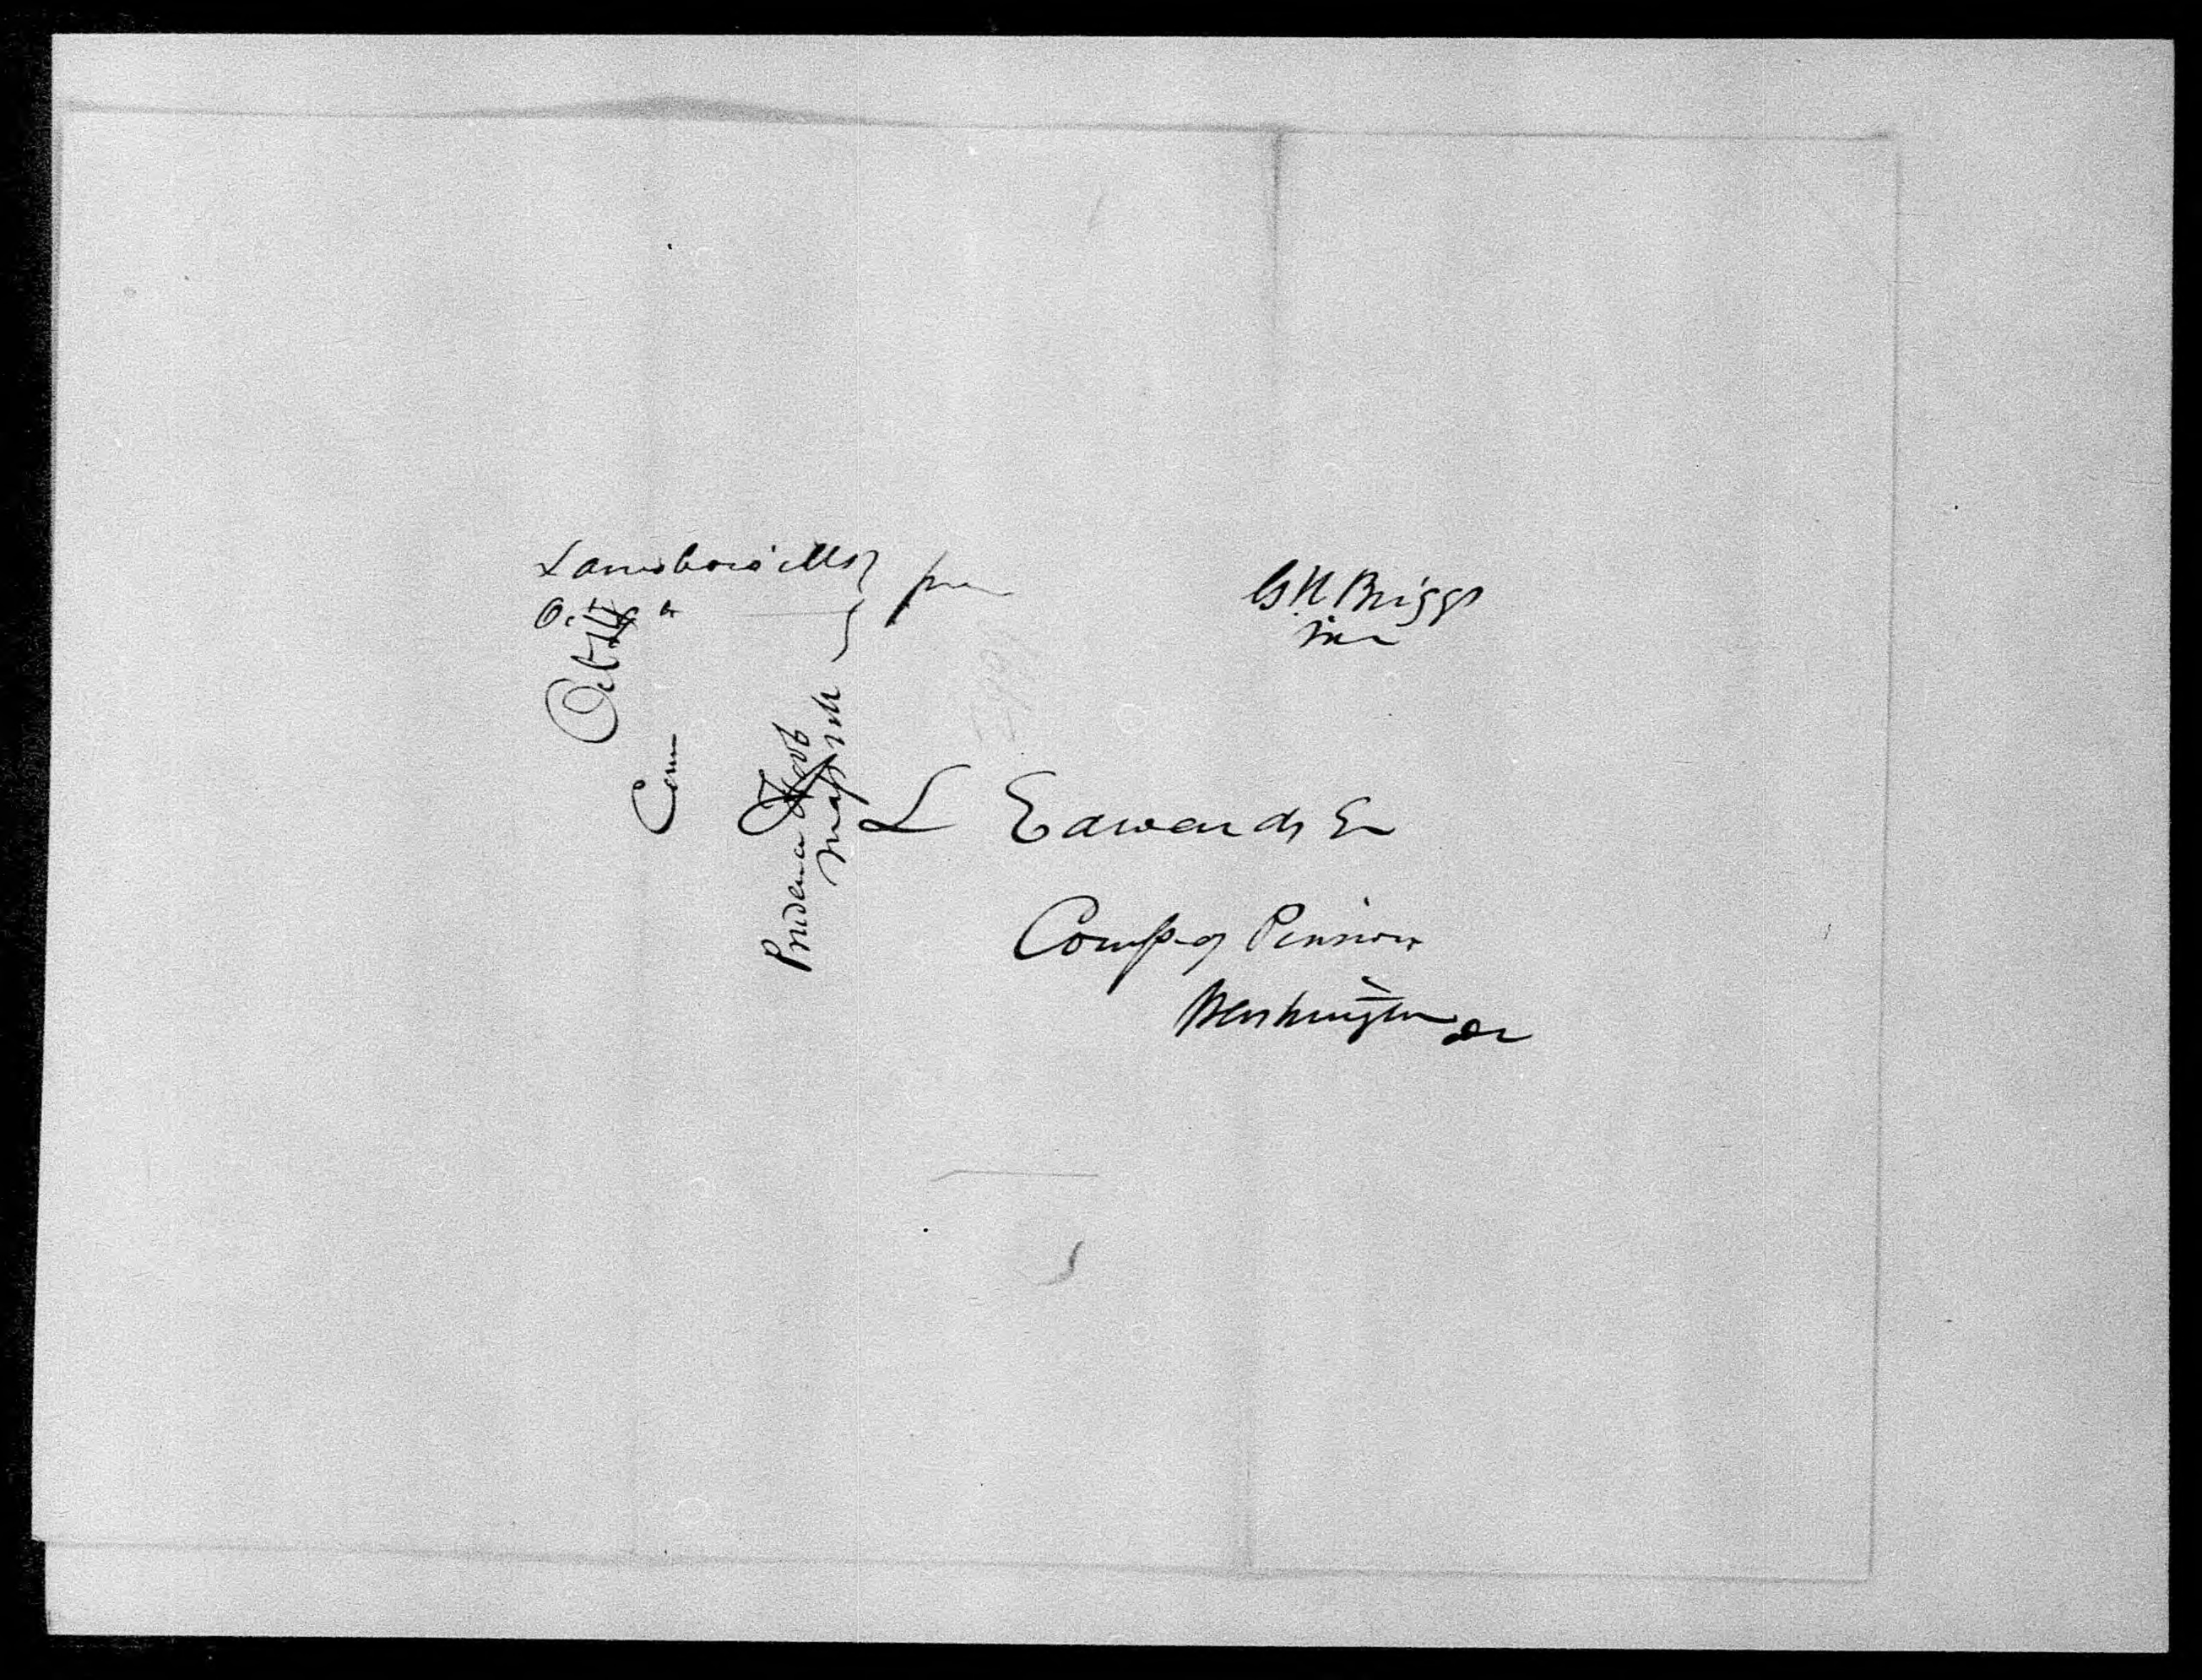G N Briggs
(illegible writing)
J L Edwards Esq
Comssnr Pension
Washington DC

(illegible word)
Oct 14
Conn
Prudence Foot (illegible word)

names: J L Edwards; G N Briggs; Prudence Foot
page: 36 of 60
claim: widow's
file: W. 14,036, for James Knowles, Connecticut